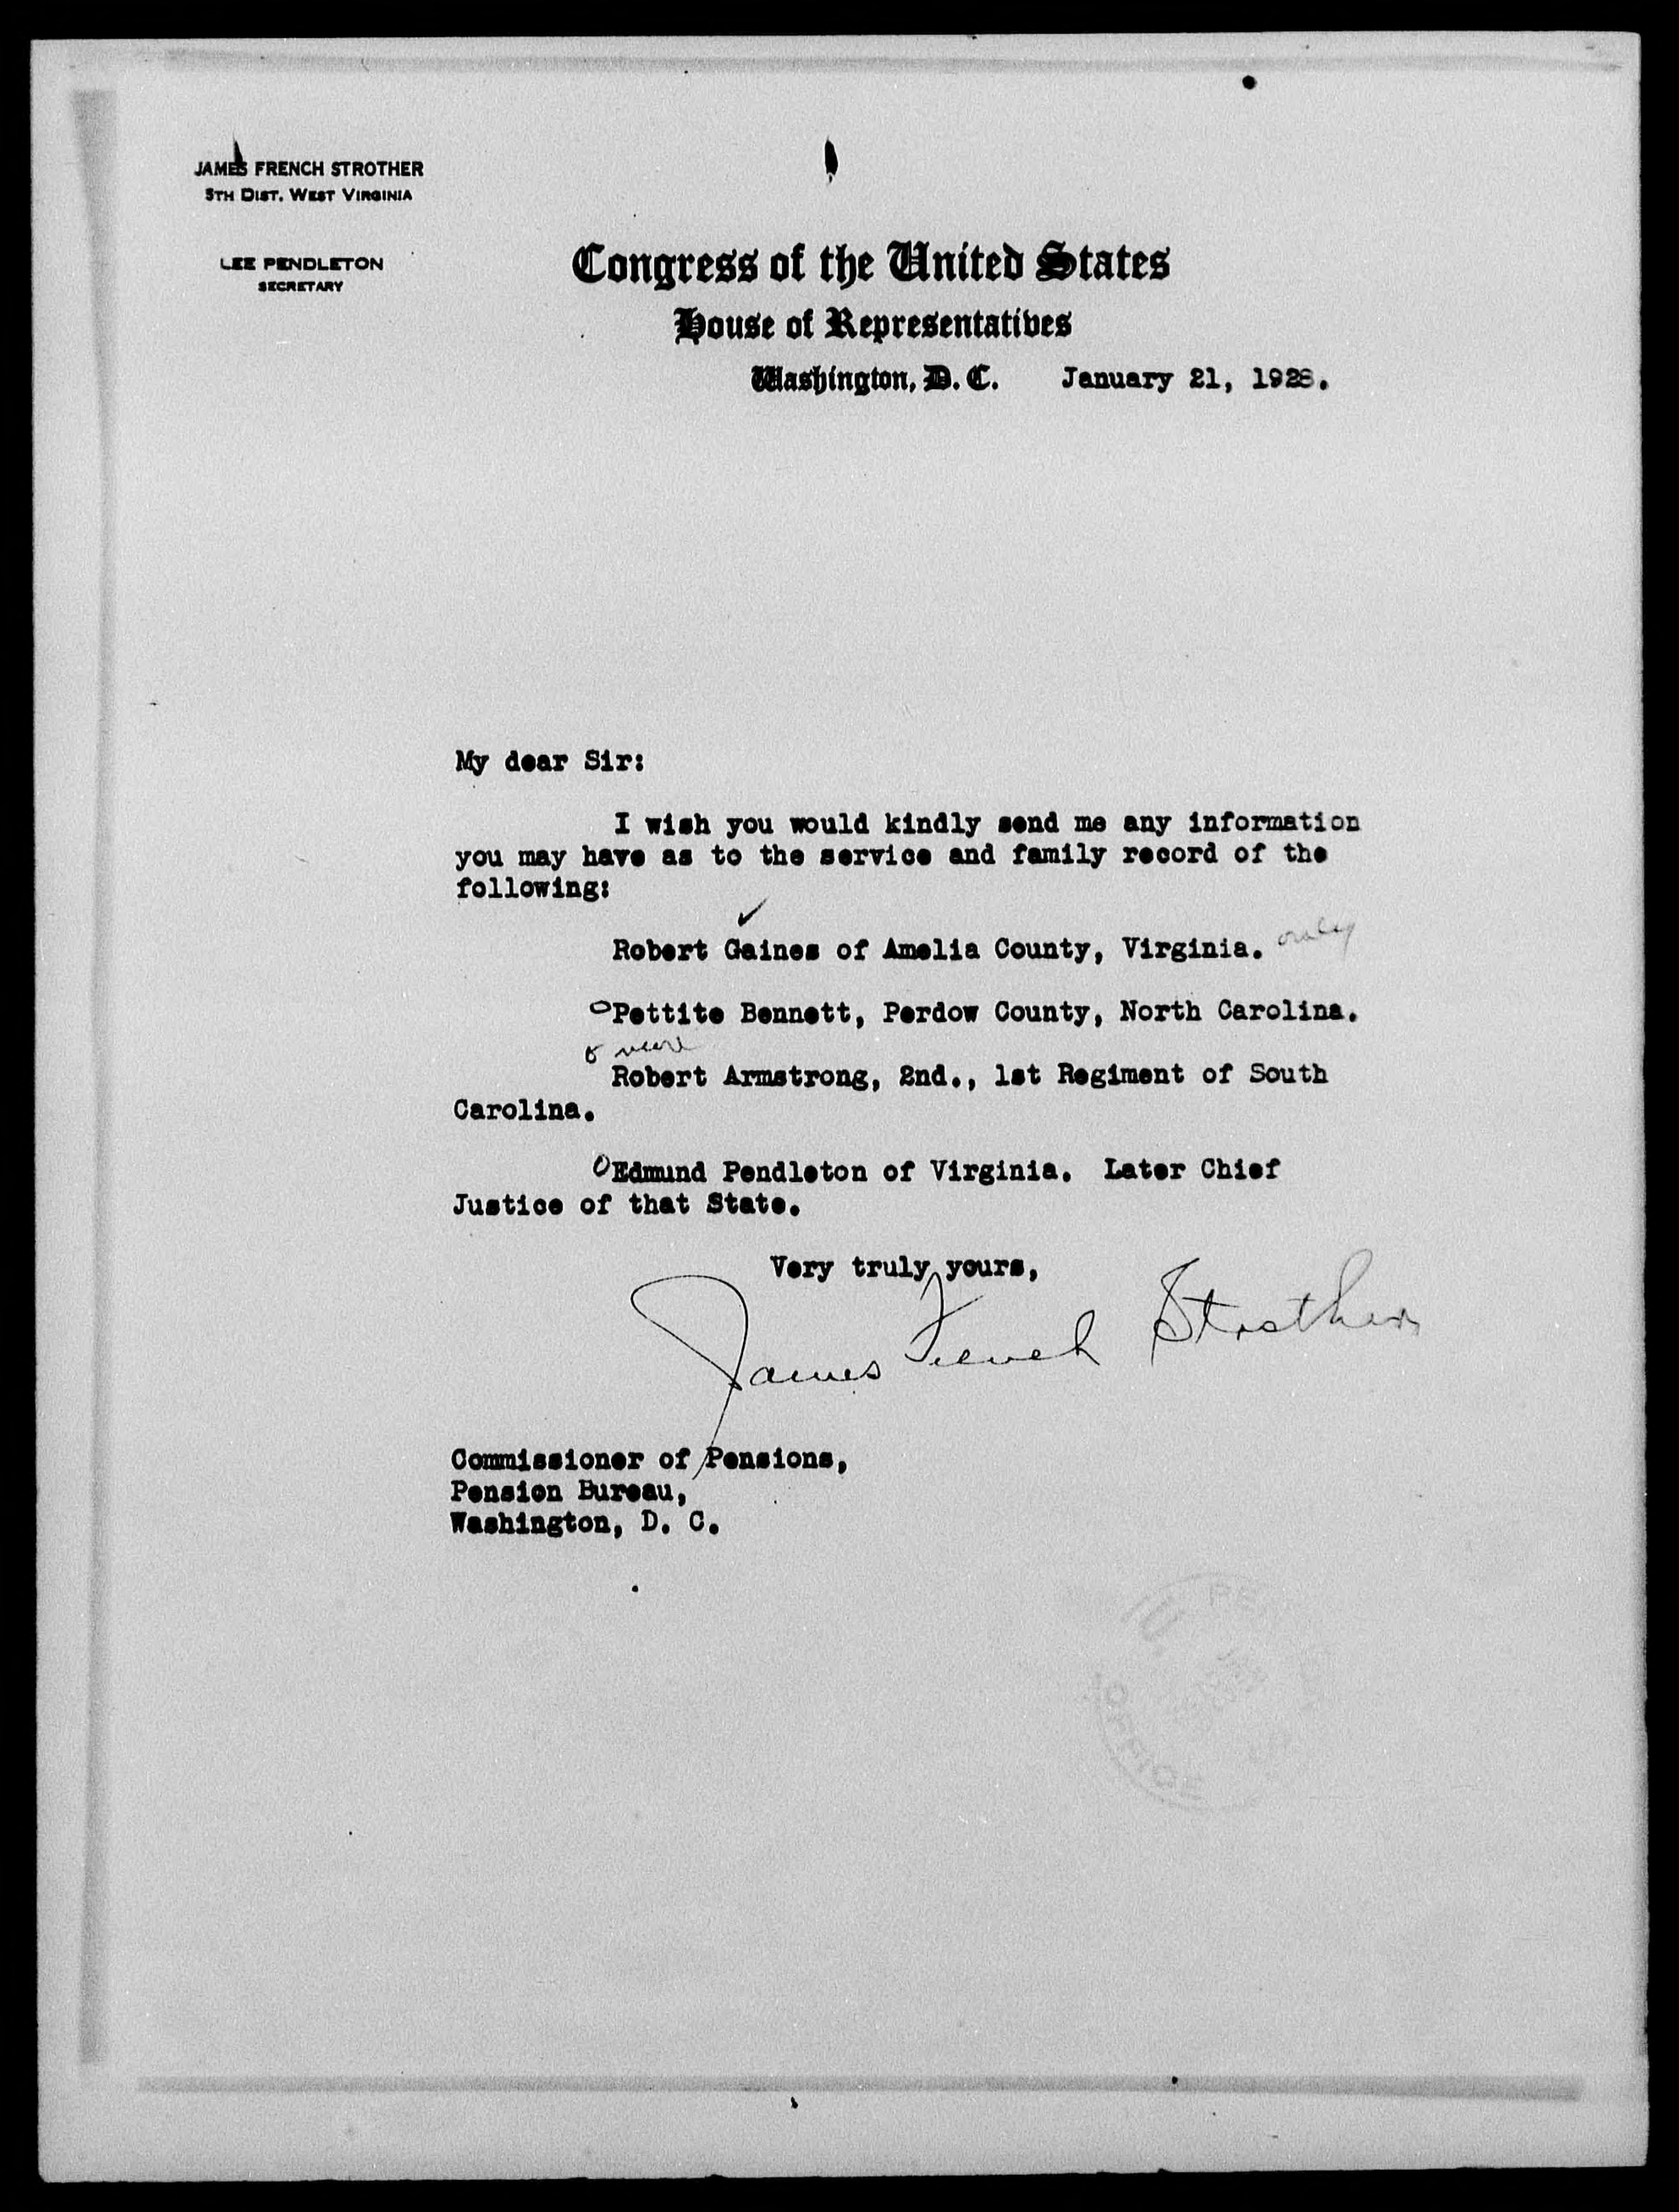JAMES FRENCH STROTHER
5TH DIST. WEST VIRGINIA
LEE PENDLETON
SECRETARY
Congress of the United States
House of Representatives
Washington, D. C. January 21, 1928.
My dear Sir:
I wish you would kindly send me any information
you may have as to the service and family record of the
following:
Robert Gaines of Amelia County, Virginia. [inserted] only [/inserted]
Pettite Bennett, Perdow County, North Carolina.
Robert Armstrong, 2nd., 1st Regiment of South
Carolina.
Edmund Pendleton of Virginia, Later Chief
Justice of that State.
Very truly yours,
James French Strother
Commissioner of Pensions,
Pension Bureau,
Washington, D. C.
Strother

U. S. PENSION OFFICE
JAN
28
1929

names: Edmund Pendleton, Lee Pendleton, Pettite Bennett, Robert Gaines, James French Strother, James French Strother, Robert Armstrong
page: 43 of 79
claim: rejected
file: R. 3863, Robert Gaines, Va.